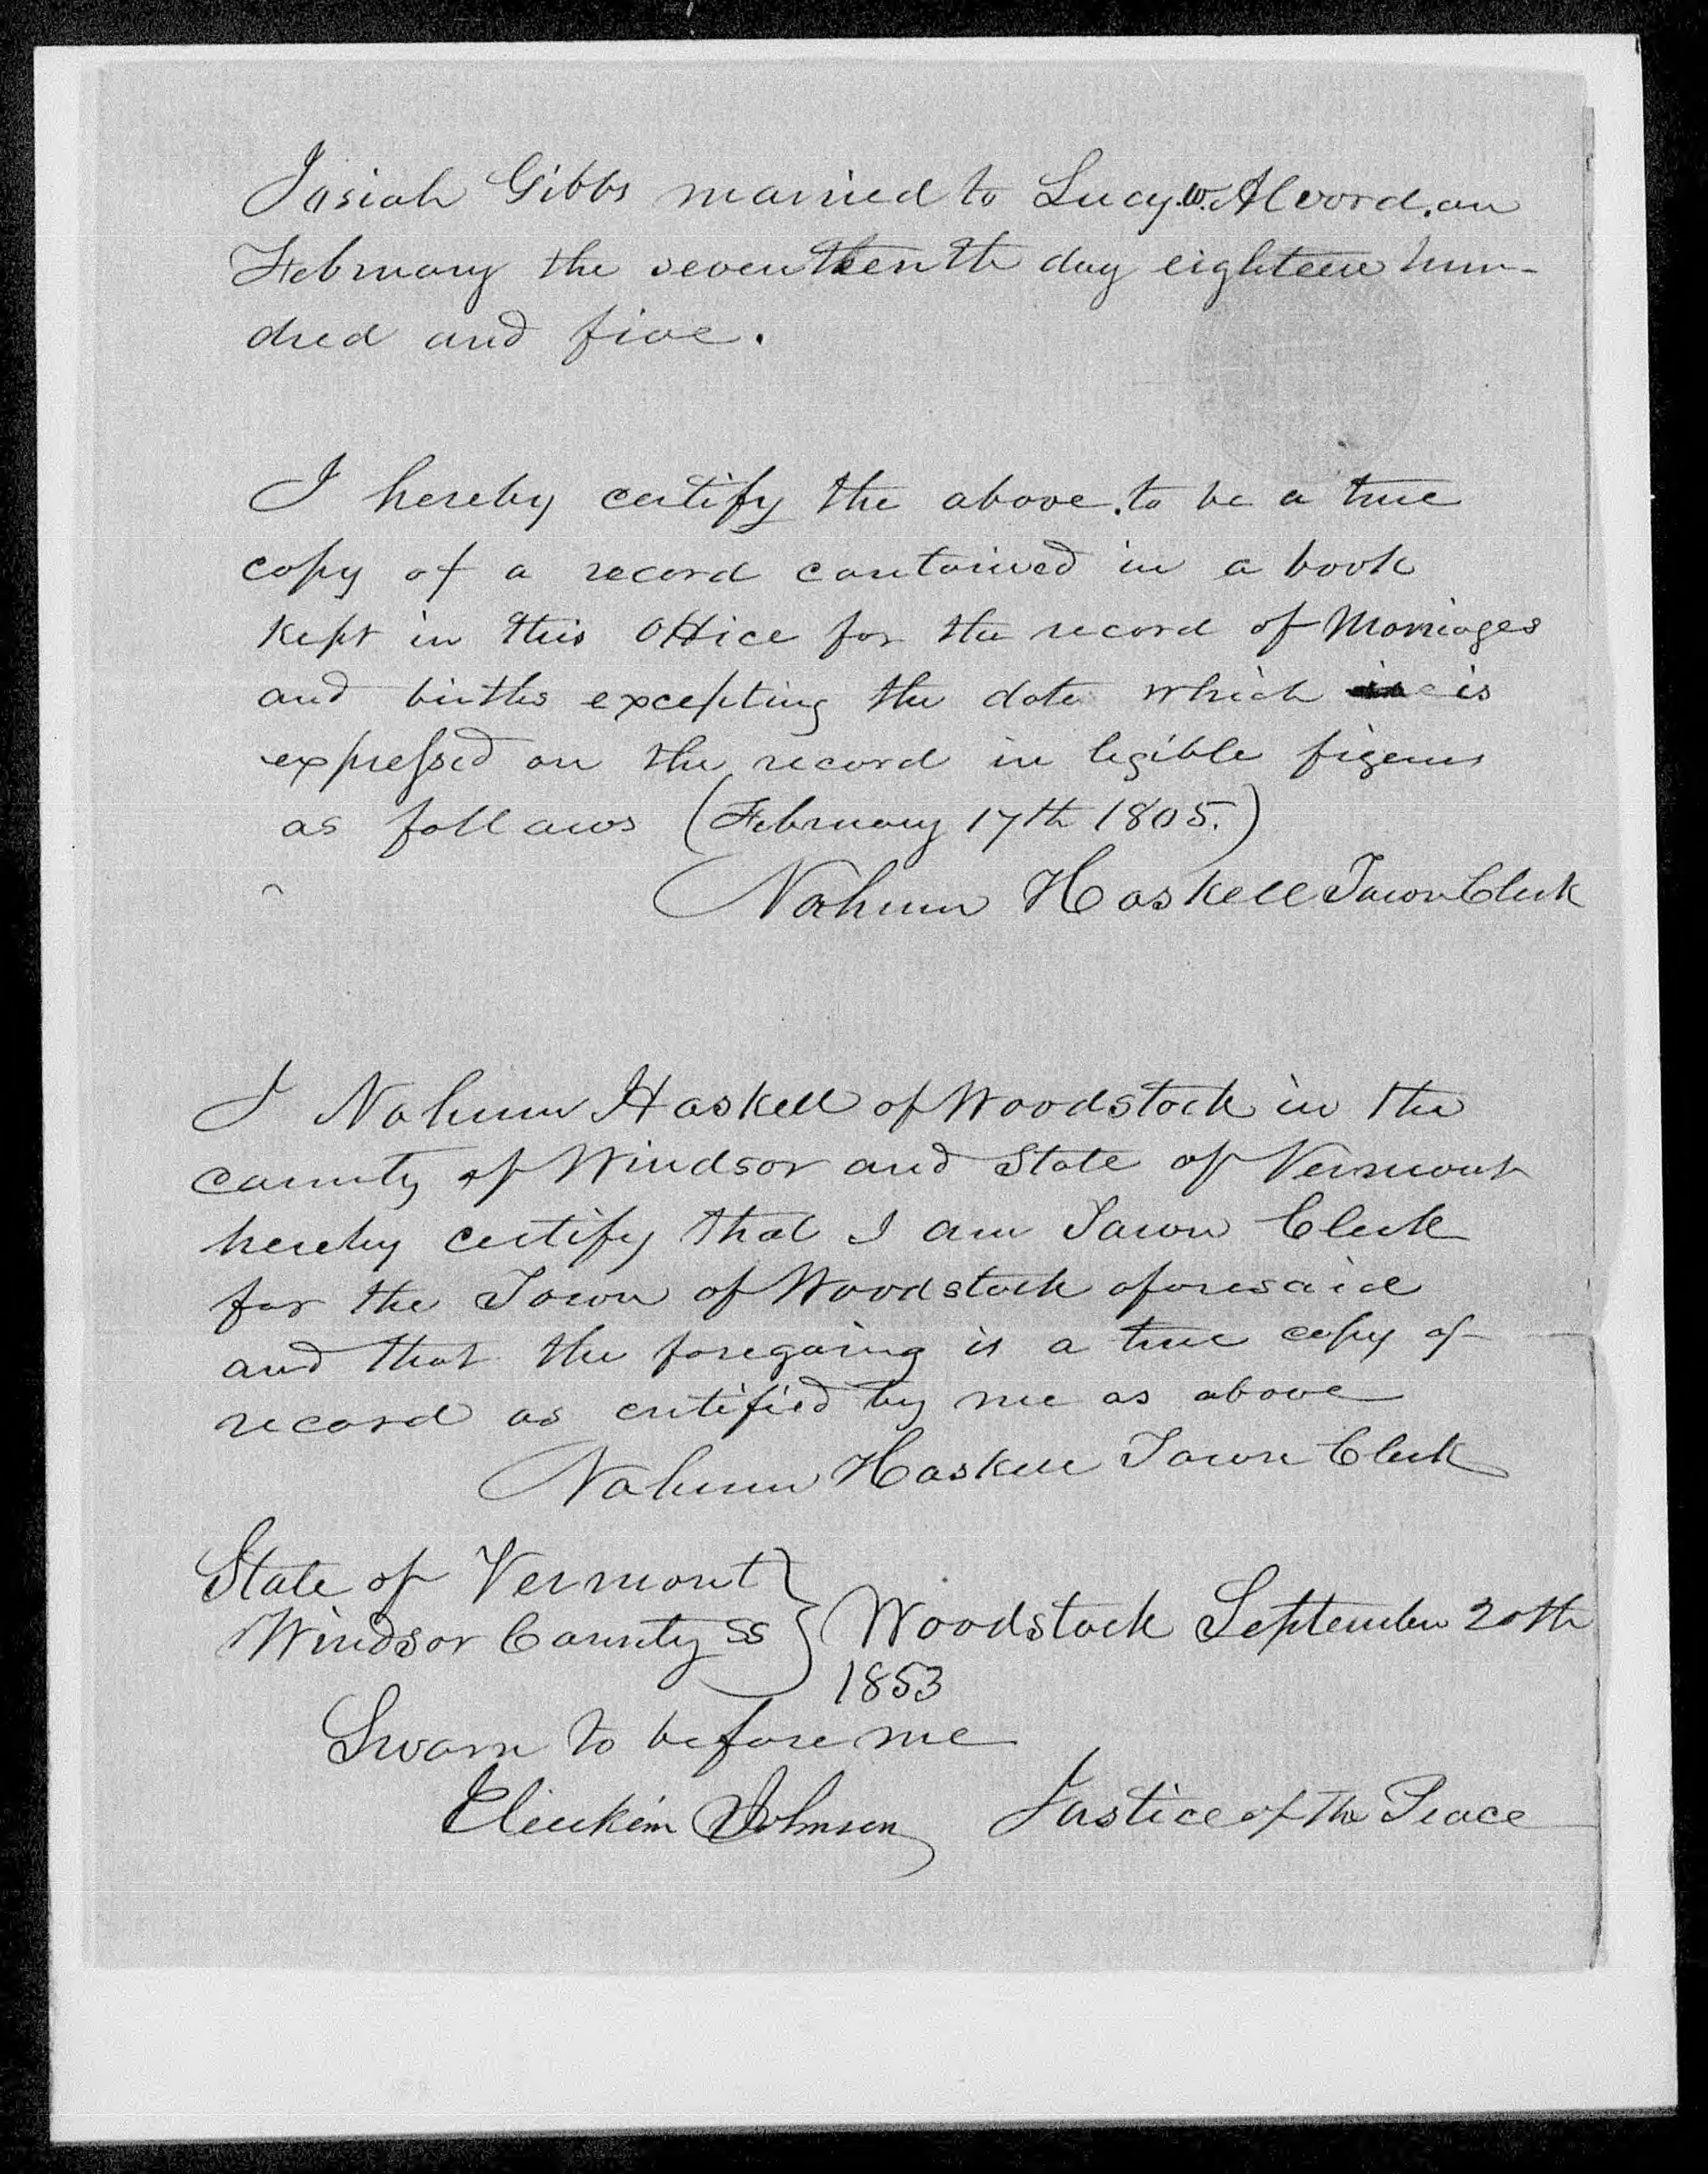Josiah Gibbs married to Lucy W. Alvord on
February the seventeenth day eighteen hundred and five
I hereby certify the above to be a true
copy of a record contained in a book
kept in this office for the record of Marriages
and births excepting the date which is
expressed on the record in legible figures
as follows (February 17th 1805.)
Nahum Haskell  Town Clerk

I, Nahum Haskell of Woodstock in the
County of Windsor and State of Vermont
hereby certify that I am Town Clerk
for the Town of Woodstock aforesaid
and that the foregoing is a true copy of
record as certified by me as above
Nahum Haskell   Town Clerk

State of Vermont}
Windsor County SS}
Woodstock September 20th 1853
Sworn to before me
Eliakim Johnson  Justice of the Peace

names: Eliakim Johnson, Lucy W Alvord, Nahum Haskell, Nahum Haskell, Nahum Haskell, Josiah Gibbs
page: 9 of 33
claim: widow's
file: W. 4681, Josiah Gibbs, Mass